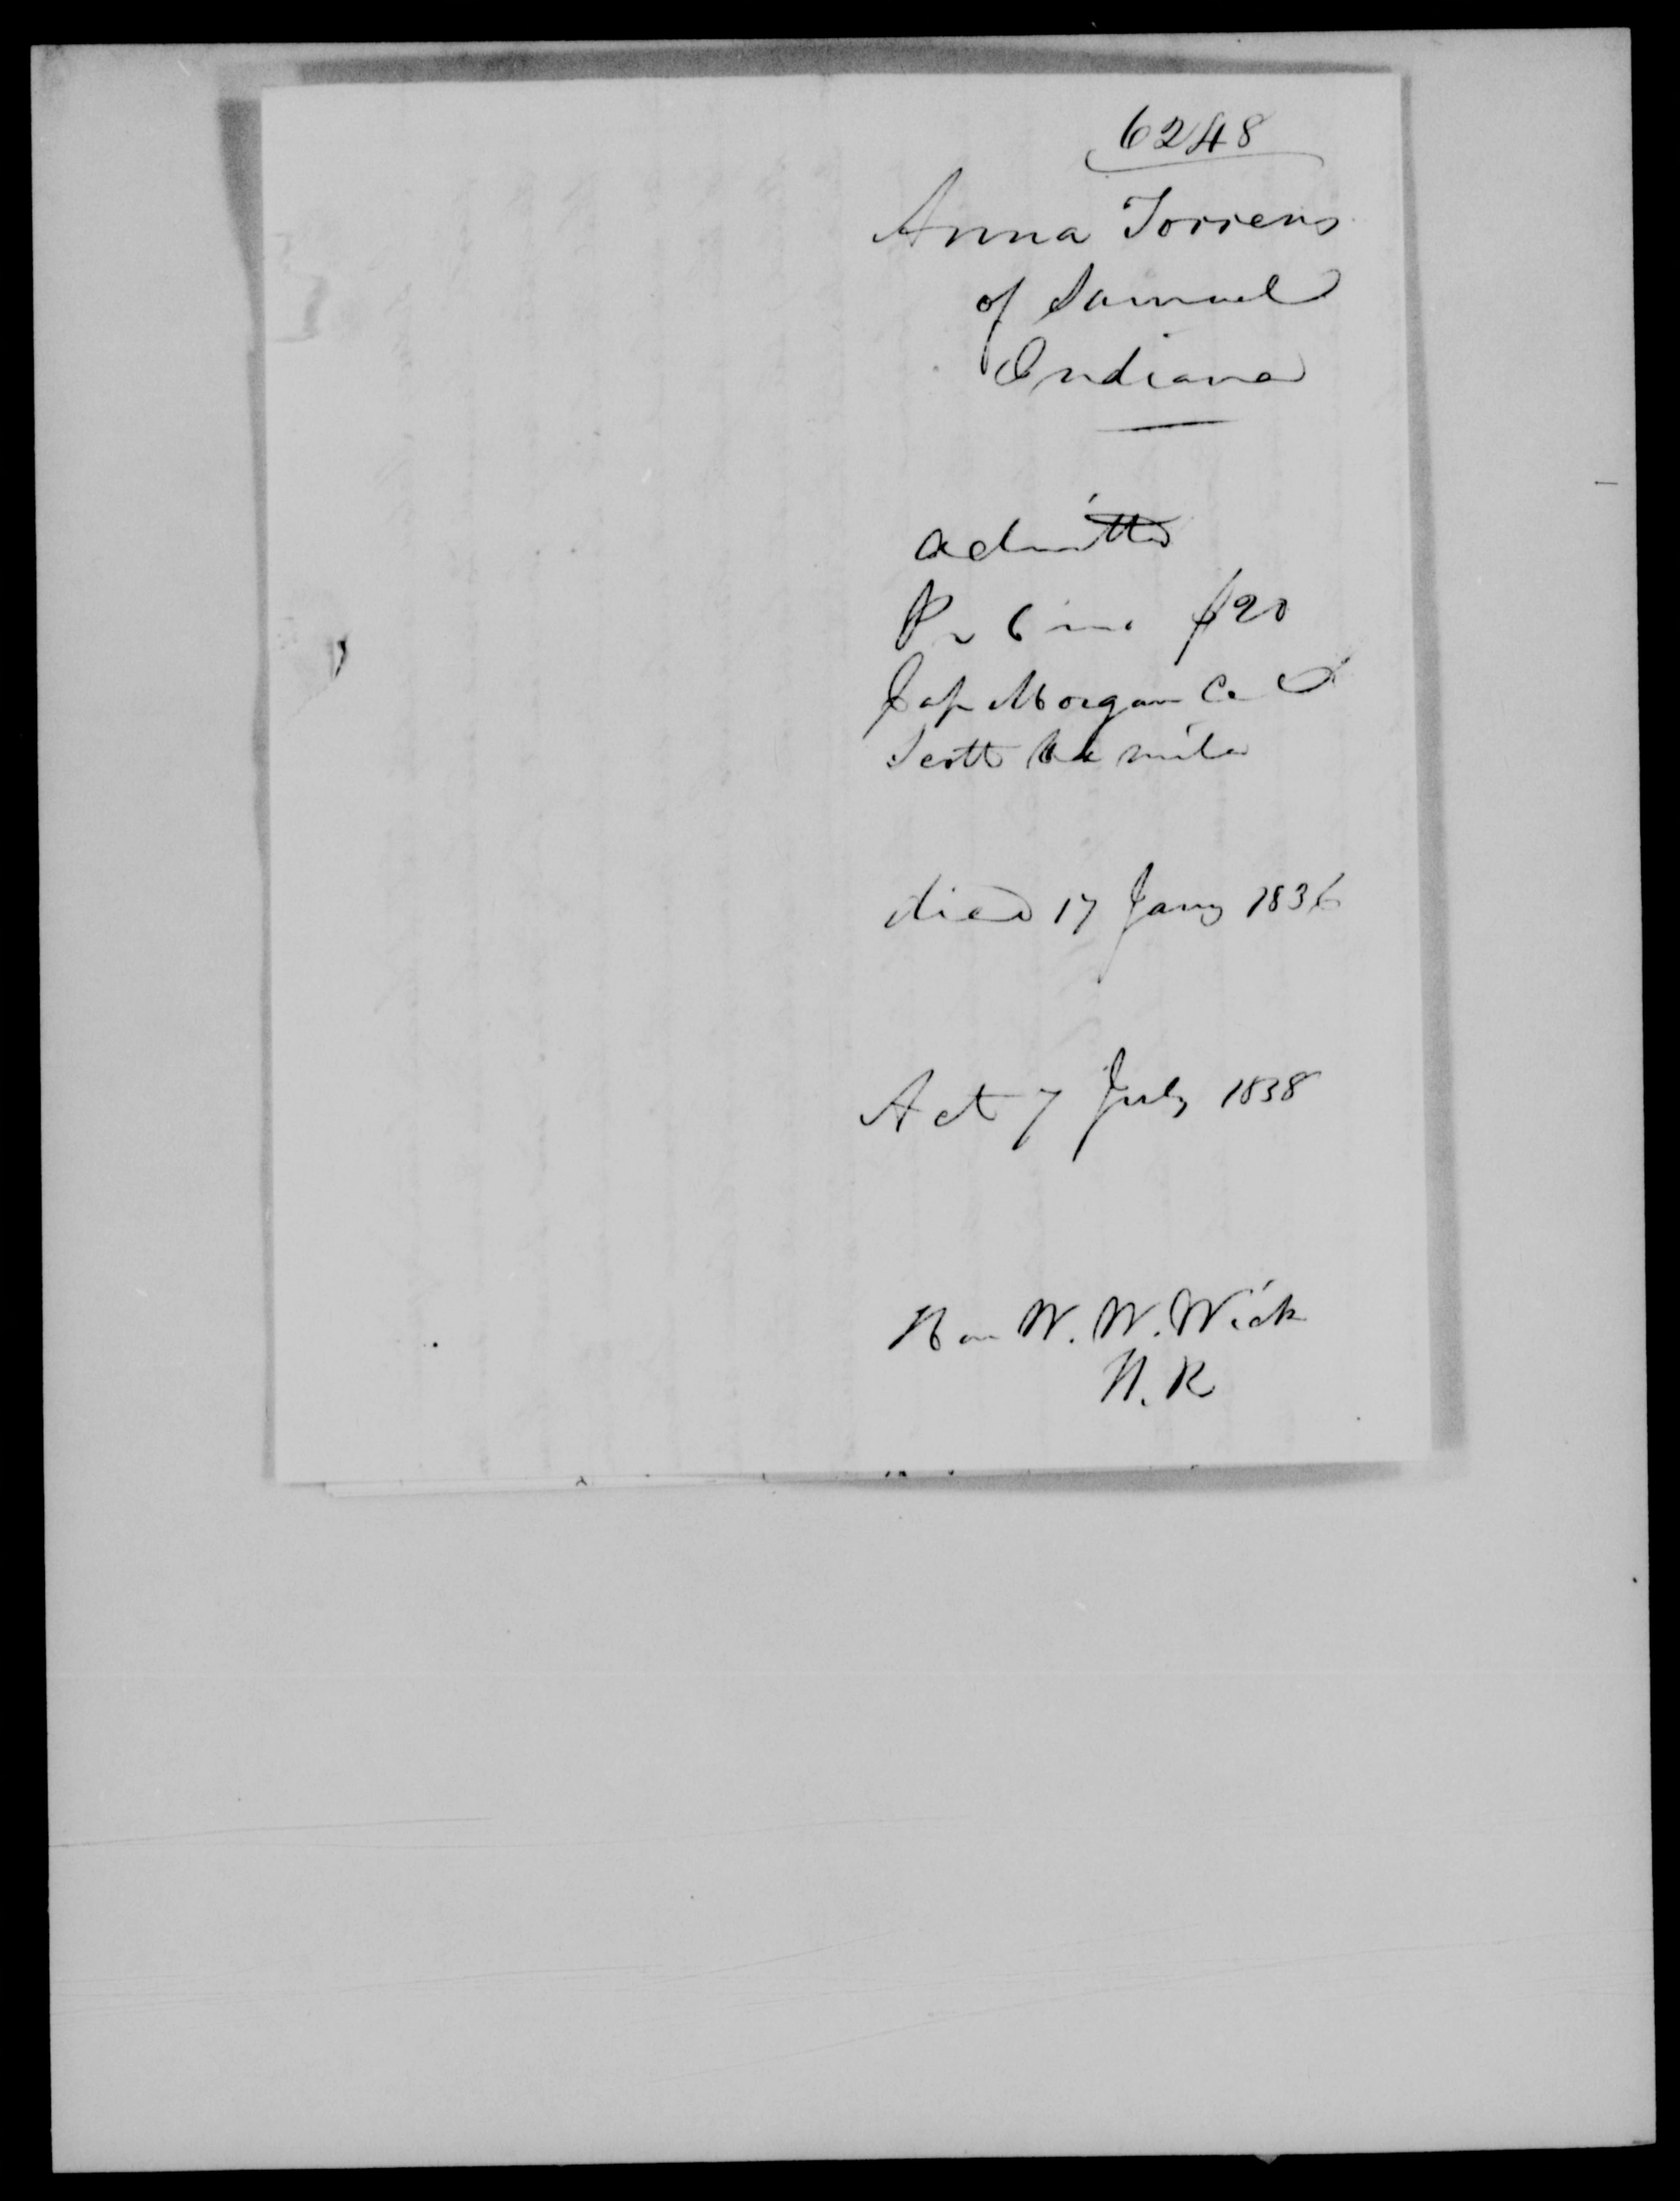6248
Anna Torrens
of Samuel 
Indiana
admitted
Pri 6 mos $20
Cap Morgan Co 
Scott Va mila
died 17 Jany 1836
Act 7 July 1836
Hon W. W. Wick
H.R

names: Anna Torrens, Samuel, W W Wick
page: 13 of 27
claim: widow's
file: W. 9860, Samuel Torrons, Va.